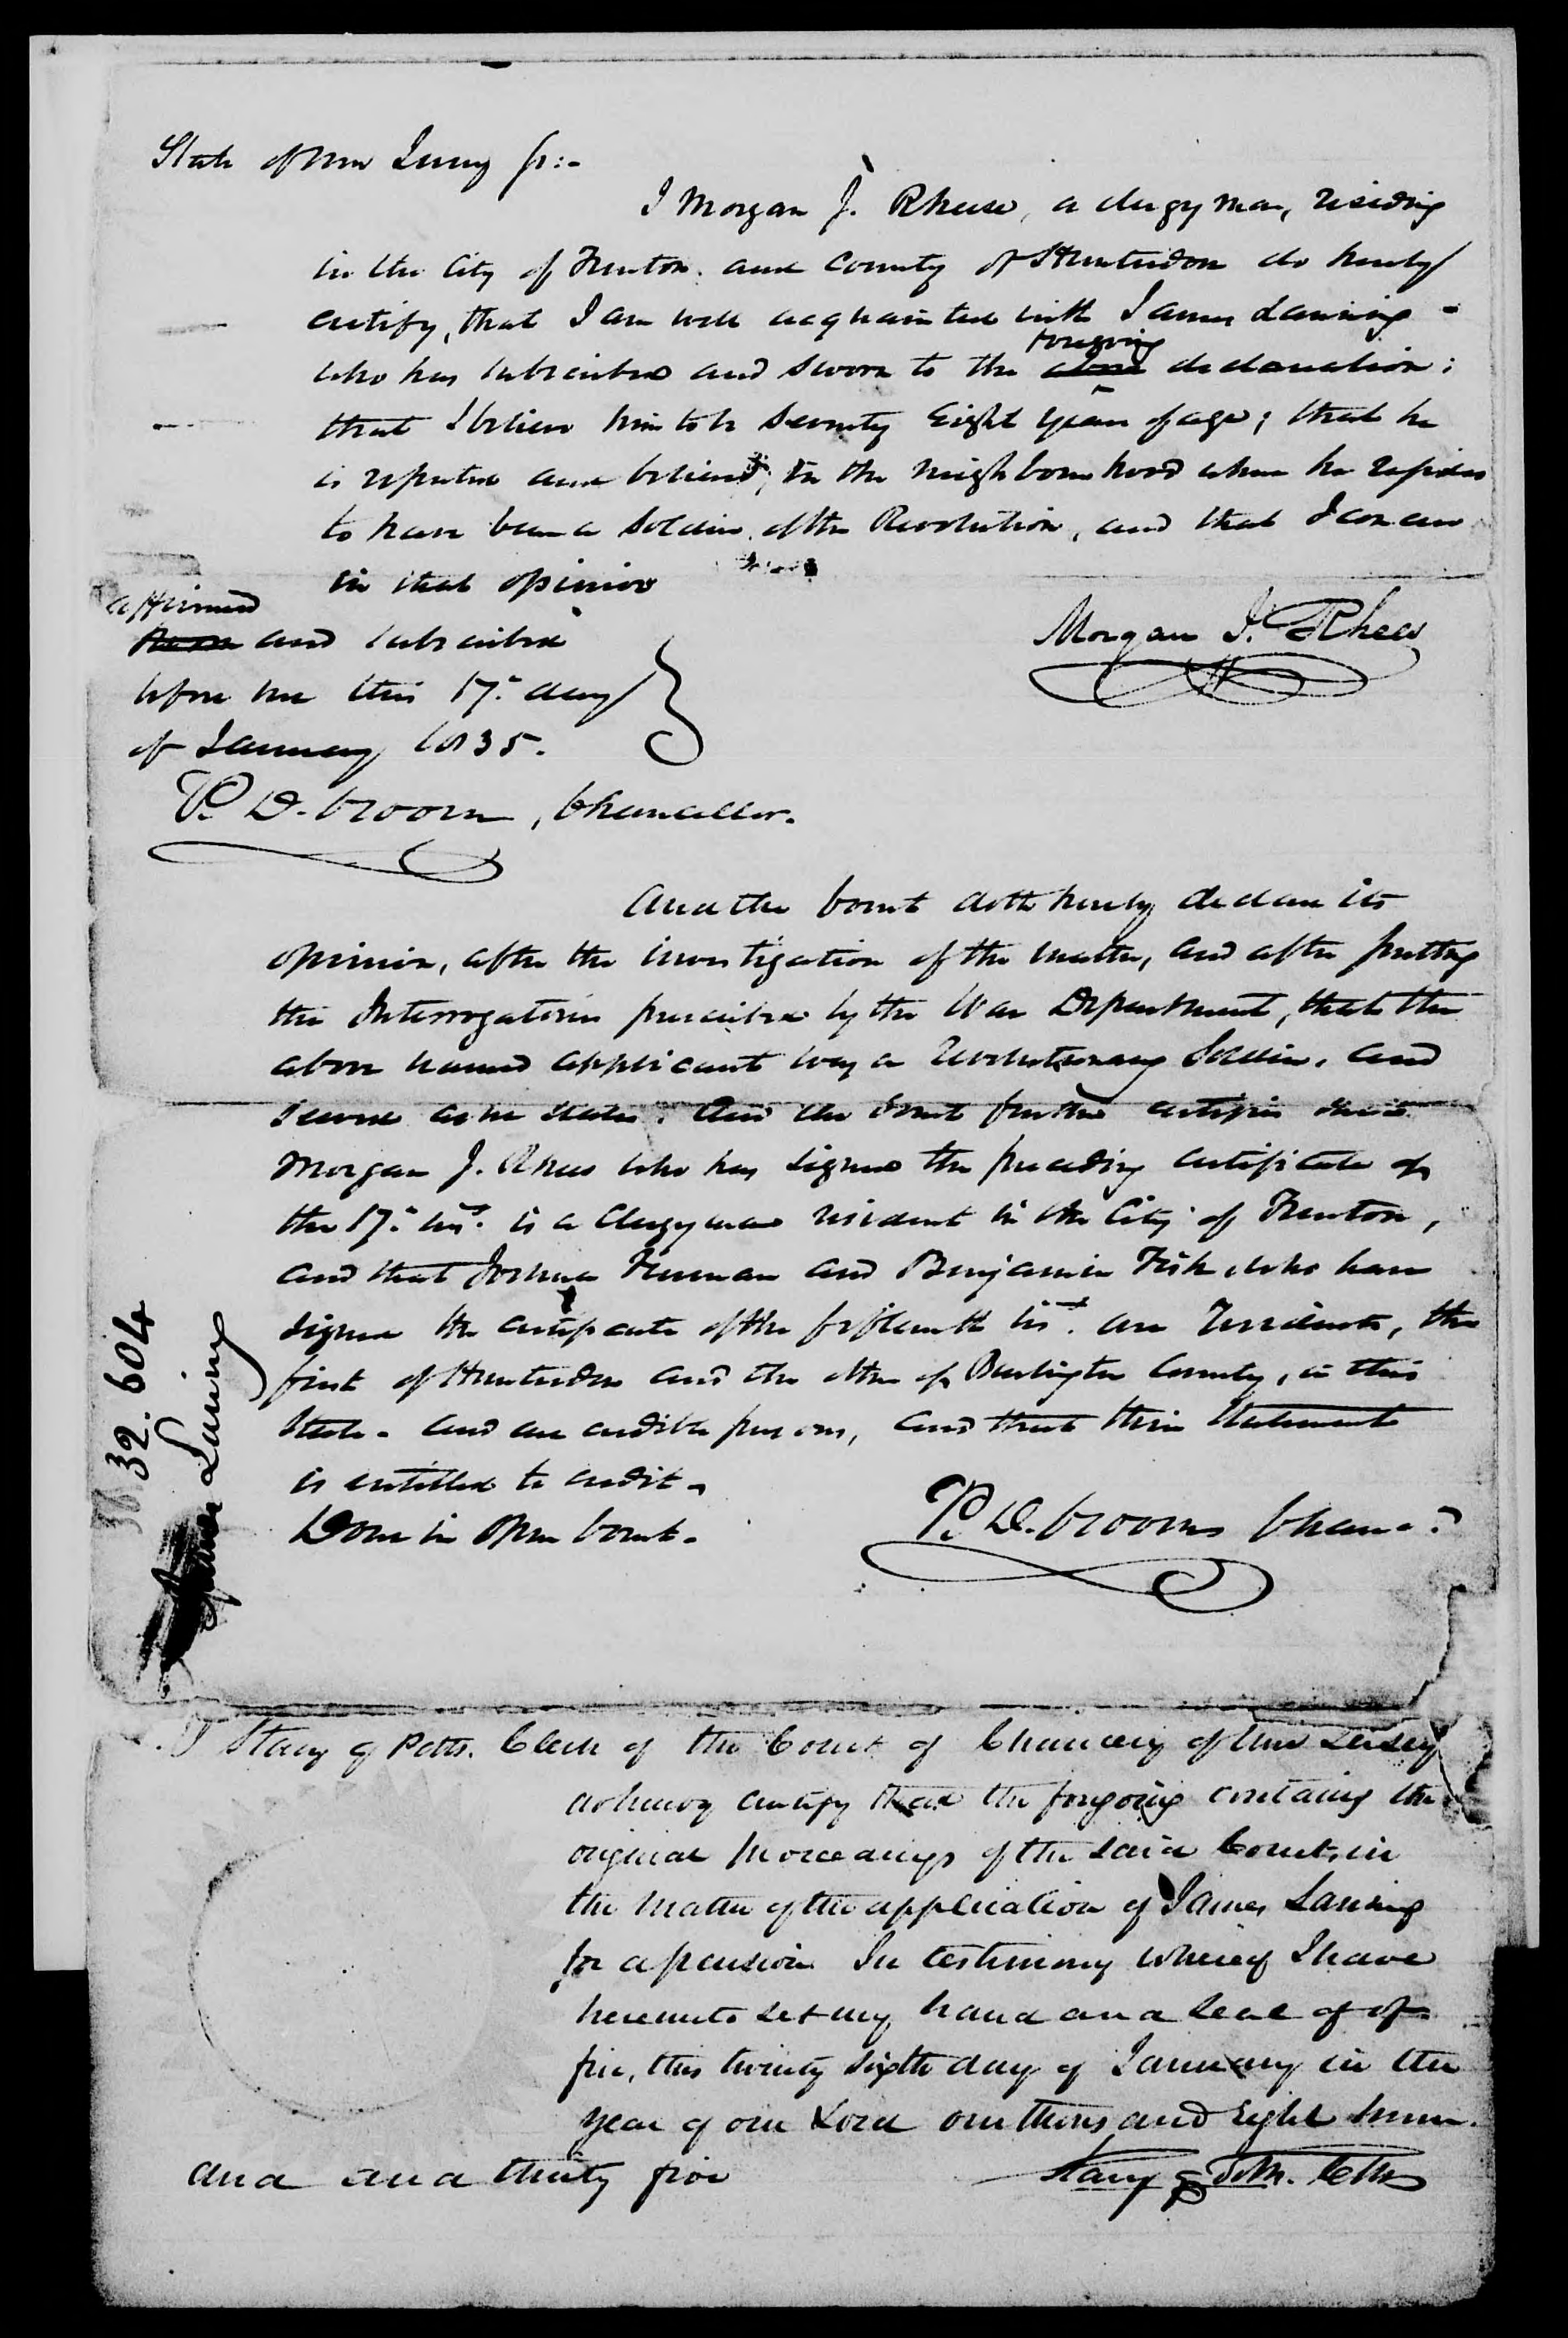State of New Jersey Ss:
I Morgan J. Rhees, a clergy man, residing in the City of Trenton, and County of Hunterdon do hereby certify, that I am well acquainted with James Laning who has subscribed and sworn to the foregoing declaration; that I believe him to be Seventy Eight years of age; that he is reputed and believed in the neighbourhood where he resides to have been a Soldier of the Revolution, and that I concur in that opinion.
Morgan J. Rhees

Affirmed and subscribed}
before me this 17 day}
of January 1835.}
P. D. Vroom, Chanceller.

And the Court doth hereby declare its
opinion, after the investigation of the matter, and after putting the Interrogatories prescribed by the War Department, that the
above named applicant was a Revolutionary Soldier, and served as he states. And the Court further certifies that Morgan J Rhees who has signed the preceding certificate of the 17th. Jan. is a Clergyman resident in the City of Trenton, and that Joshua Furman and Benjamin Fish who have signed the certificate of the fifteenth viz. are residents, the first of Hunterdon and the other of Burlington County, in this State, and are credible persons, and that their statement is entitled to credit.
Done in open Court
P.D. Vroom Chancr.

I Stacy G Potts, Clerk of the Court of Chancery of New Jersey do herby certify that the foregoing contains the original proceedings of the said Court, in the matter of the application of James Laning for a pension. In testimony whereof I have hereunto set my hand and seal of office, this twenty sixth day of January in the 
year of our Lord one thousand Eight
and and thirty five
Stacy G Potts, Clerk

56.32.604
James Laning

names: Morgan J Rheese; Morgan J Rhees; Stacy G Potts; James Laning; Joshua Furman; P D Vroom; Benjamin Fish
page: 9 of 39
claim: rejected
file: R. 6154, for James Laning, New Jersey